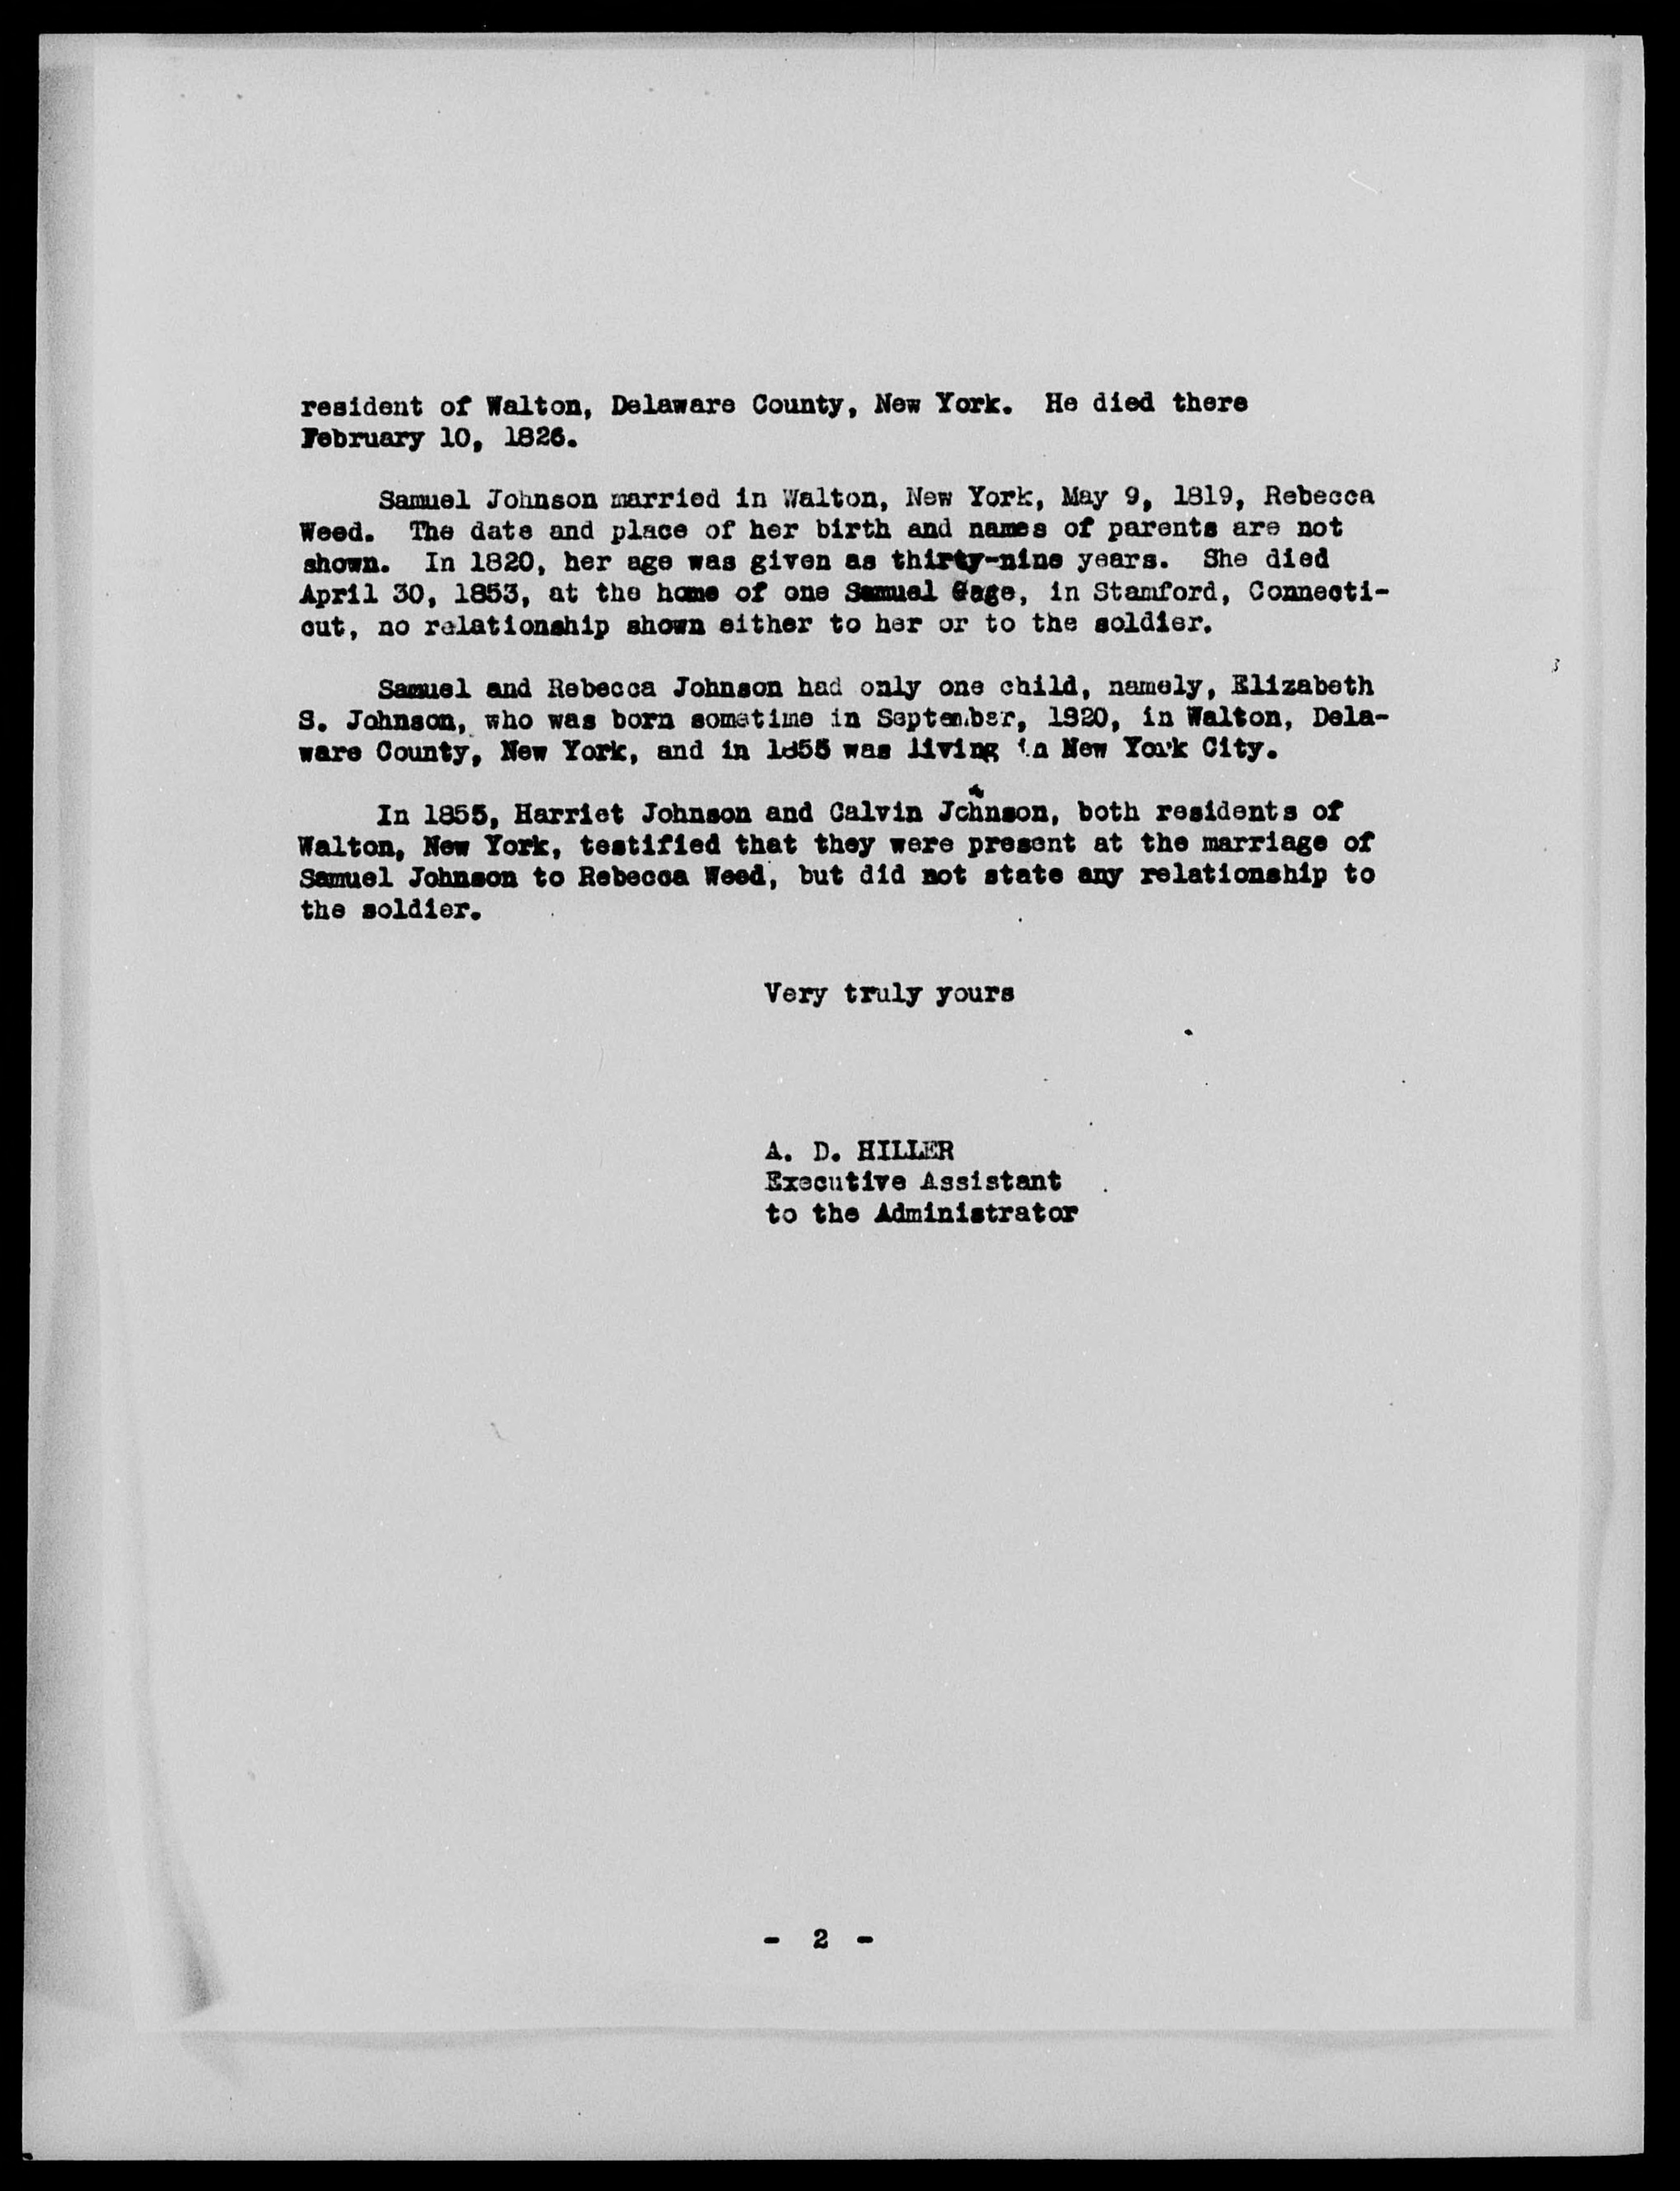resident of Walton, Delaware County, New York. He died there February 10, 1826.  
Samuel Johnson married in Walton, New York, May 9, 1819, Rebecca Weed. The date and place of her birth and names of parents are not shown. In 1820, her age was given as thirty-nine years. She died April 30, 1853, at the home of one Samuel Gage, in Stamford, Connecticut , no relationship shown either to her or to the soldier. 
Samuel and Rebecca Johnson had only one child, namely, Elizabeth S. Johnson, who was born sometime in September, 1820, in Walton, Delaware County, New York, and in 1855 was living in New York City. 
In 1855, Harriet Johnson and Calvin Johnson, both residents of Walton, New York, testified that they were present at the marriage of Samuel Johnson to Rebecca Weed, but did not state any relationship to the soldier. 
Very truly yours A. D. HILLER 
Executive Assistant to the Administrator 
-2-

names: Samuel Johnson; Harriet Johnson; Rebecca Johnson; Elizabeth S Johnson; A D Hiller; Calvin Johnson; Rebecca Weed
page: 23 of 43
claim: rejected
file: R. 5655, for Samuel Johnson, Connecticut